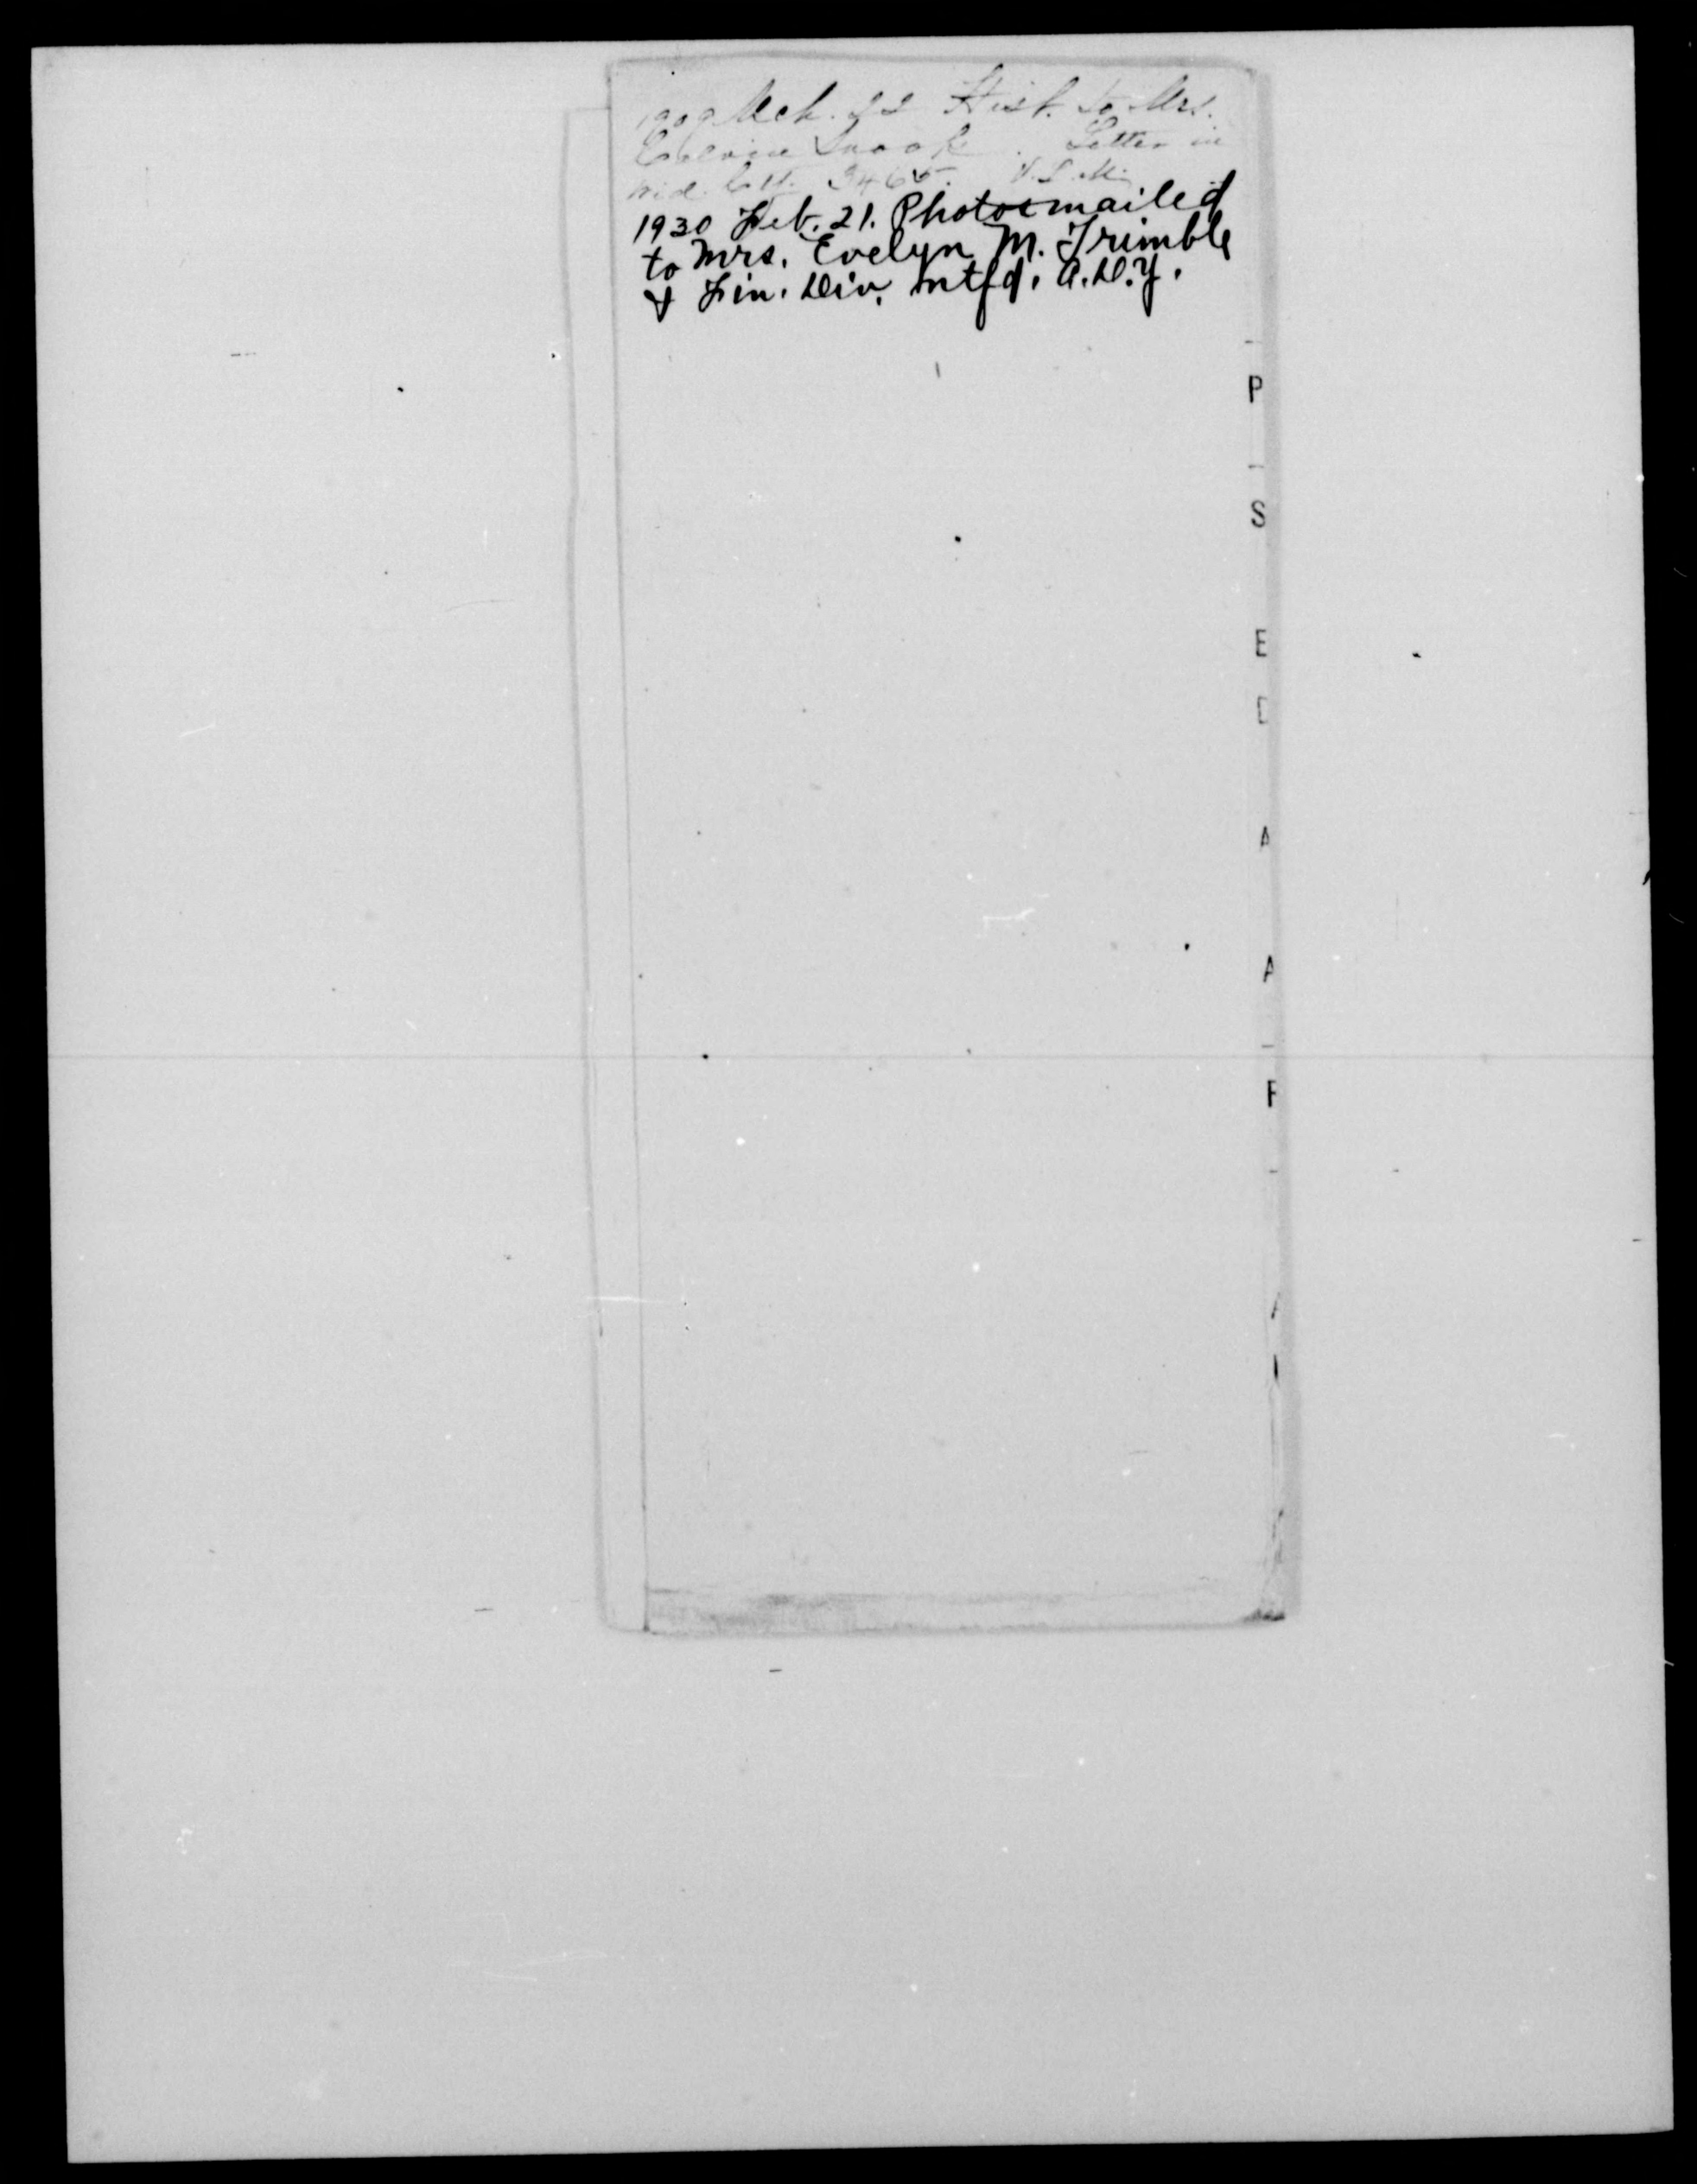1909 Mch. 22 Hist. to Mrs.
Elenice Snook  Letter in
Wid. lett. 3465.  V.L.M.
1930 Feb. 21. Photos mailed
to Mrs. Evelyn M. Trimble
& Fin. Div. ntfd.  A.D.Y.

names: Evelyn M Trimble; Calvin Snook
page: 10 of 15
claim: rejected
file: R. 9,905, for Philip Snook, New Jersey